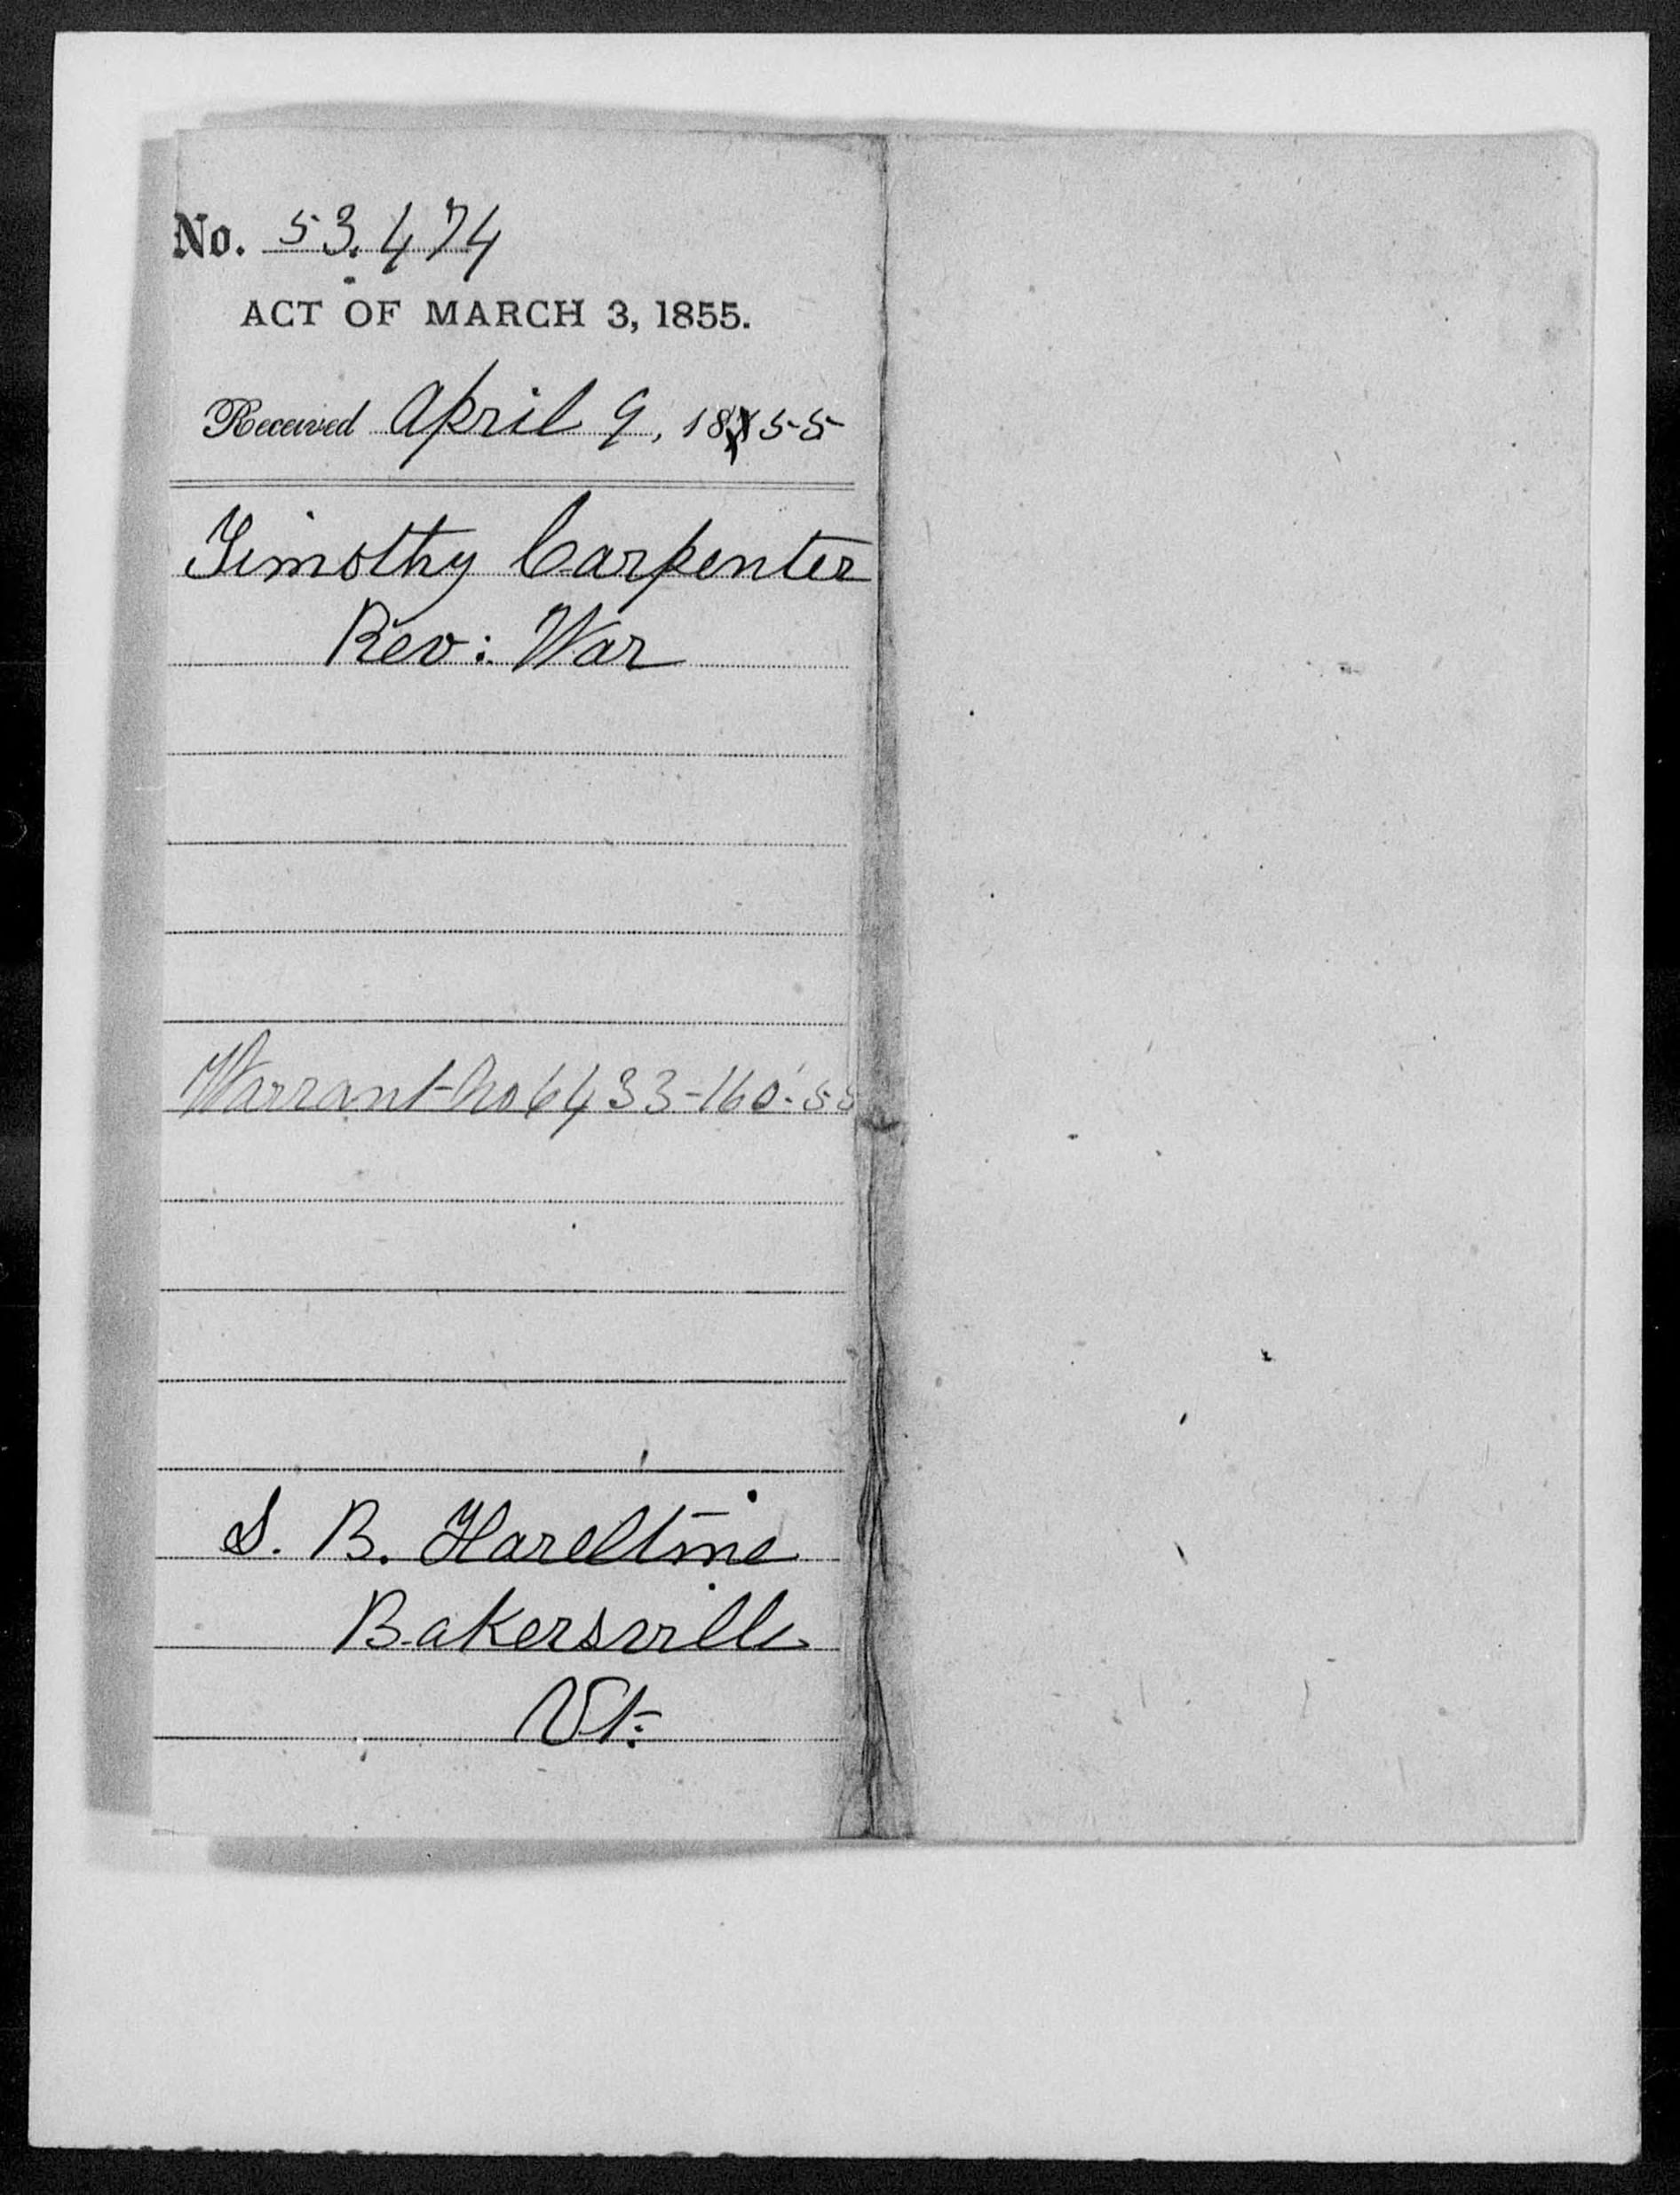No. 53,474
ACT OF MARCH 3, 1855.
Received April 9, 1855
______
Timothy Carpenter 
Rev: War

Warrant - No 6433 - 160.55

S. B. Haseltine
Bakersville
Vt.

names: S B Hazeltine, Timothy Carpenter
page: 17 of 41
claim: widow's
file: W. 15627, Timothy Carpenter, Vt.